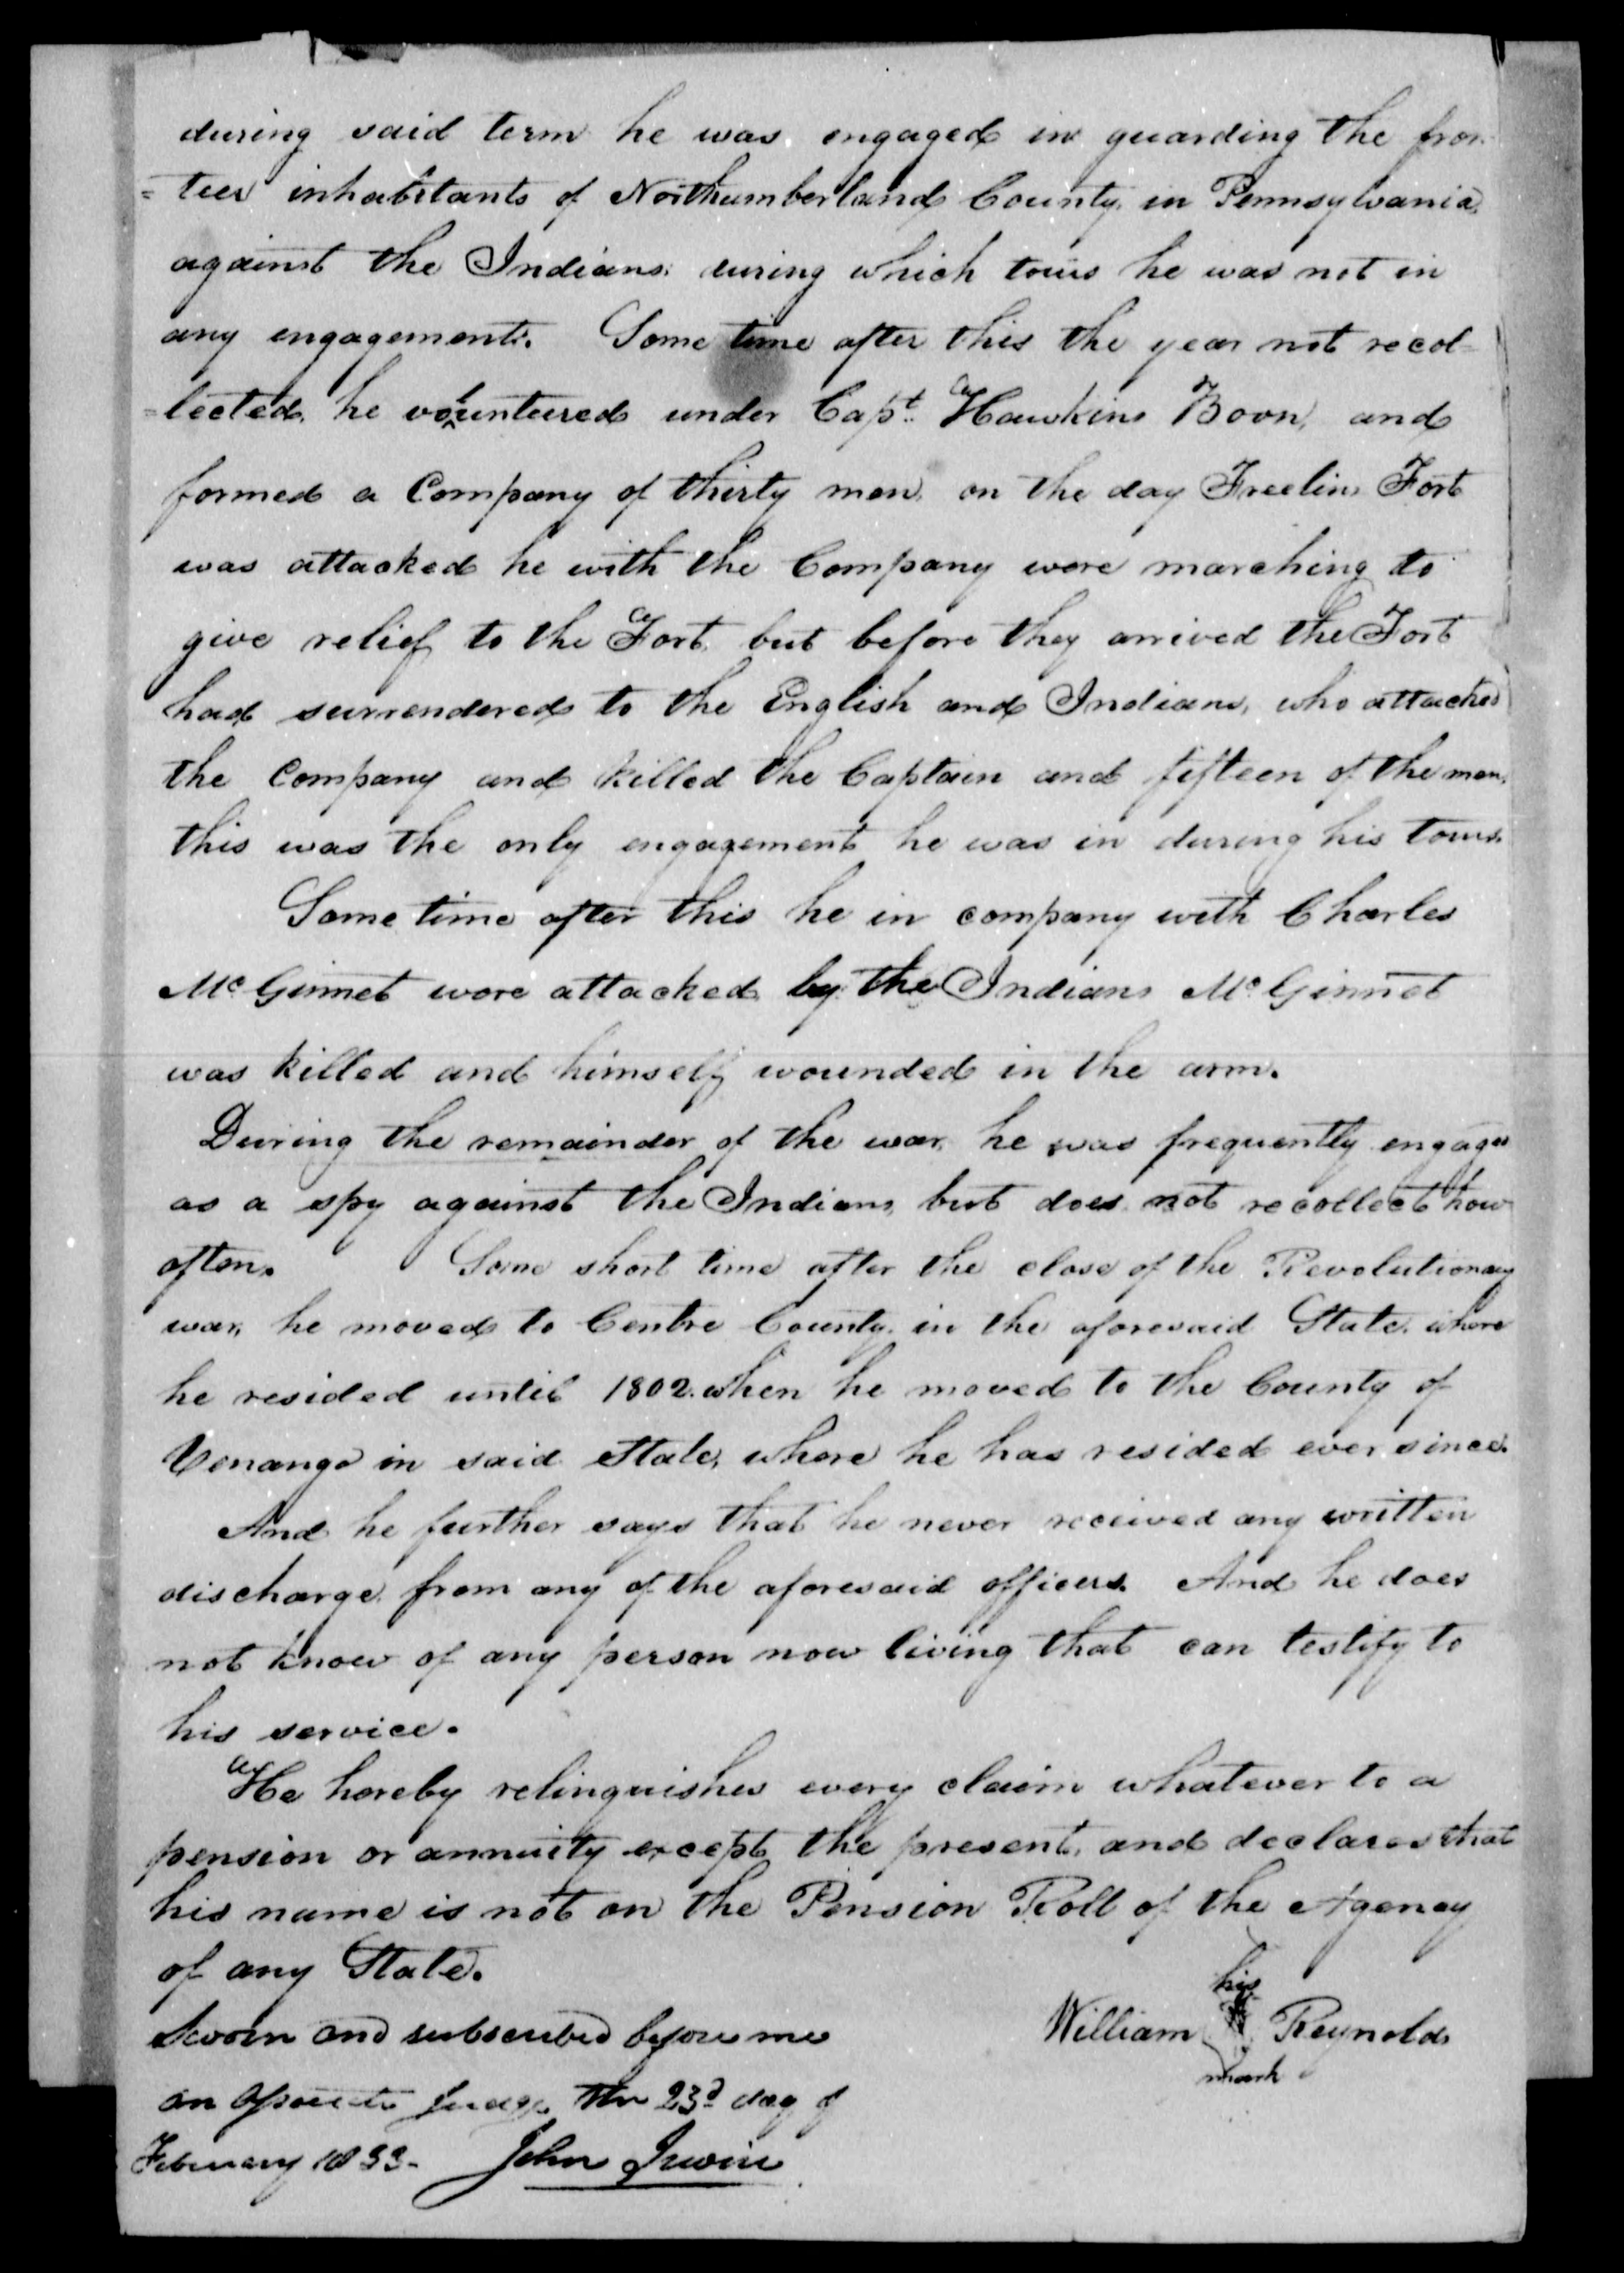Some time after this he in company with Charles McGimet were attacked by the Indians McGimet was killed and himself wounded in the arm.

During the remainder of the war he was frequently employed as a spy against the Indians, but does not recollect how often. ....short time after the close of the Revolutionary war he was moved to ... County in the aforesaid ... where he resided until 1802 when he moved to the County of ... in said state, where he has resided ever since.

And he further says that he never received any written discharge from any of the aforesaid officers. And he does not know any person now living that can testify to his service. 

He hereby relinquishes every claim whatever to a pension or annuity except the present and declares that his name is not on the Pension Roll of the agency of any State. 

Known and subscribed before me on ... ... the 23rd day of February 1833.  John Irwin

by William Reynolds
mark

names: William Reynolds; John Irwin; [BLANK] Mc Ginnet; Hawkins Boon; Charles Mc Ginnet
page: 4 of 19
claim: survivor's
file: S. 14,273, for William Reynolds, Pennsylvania